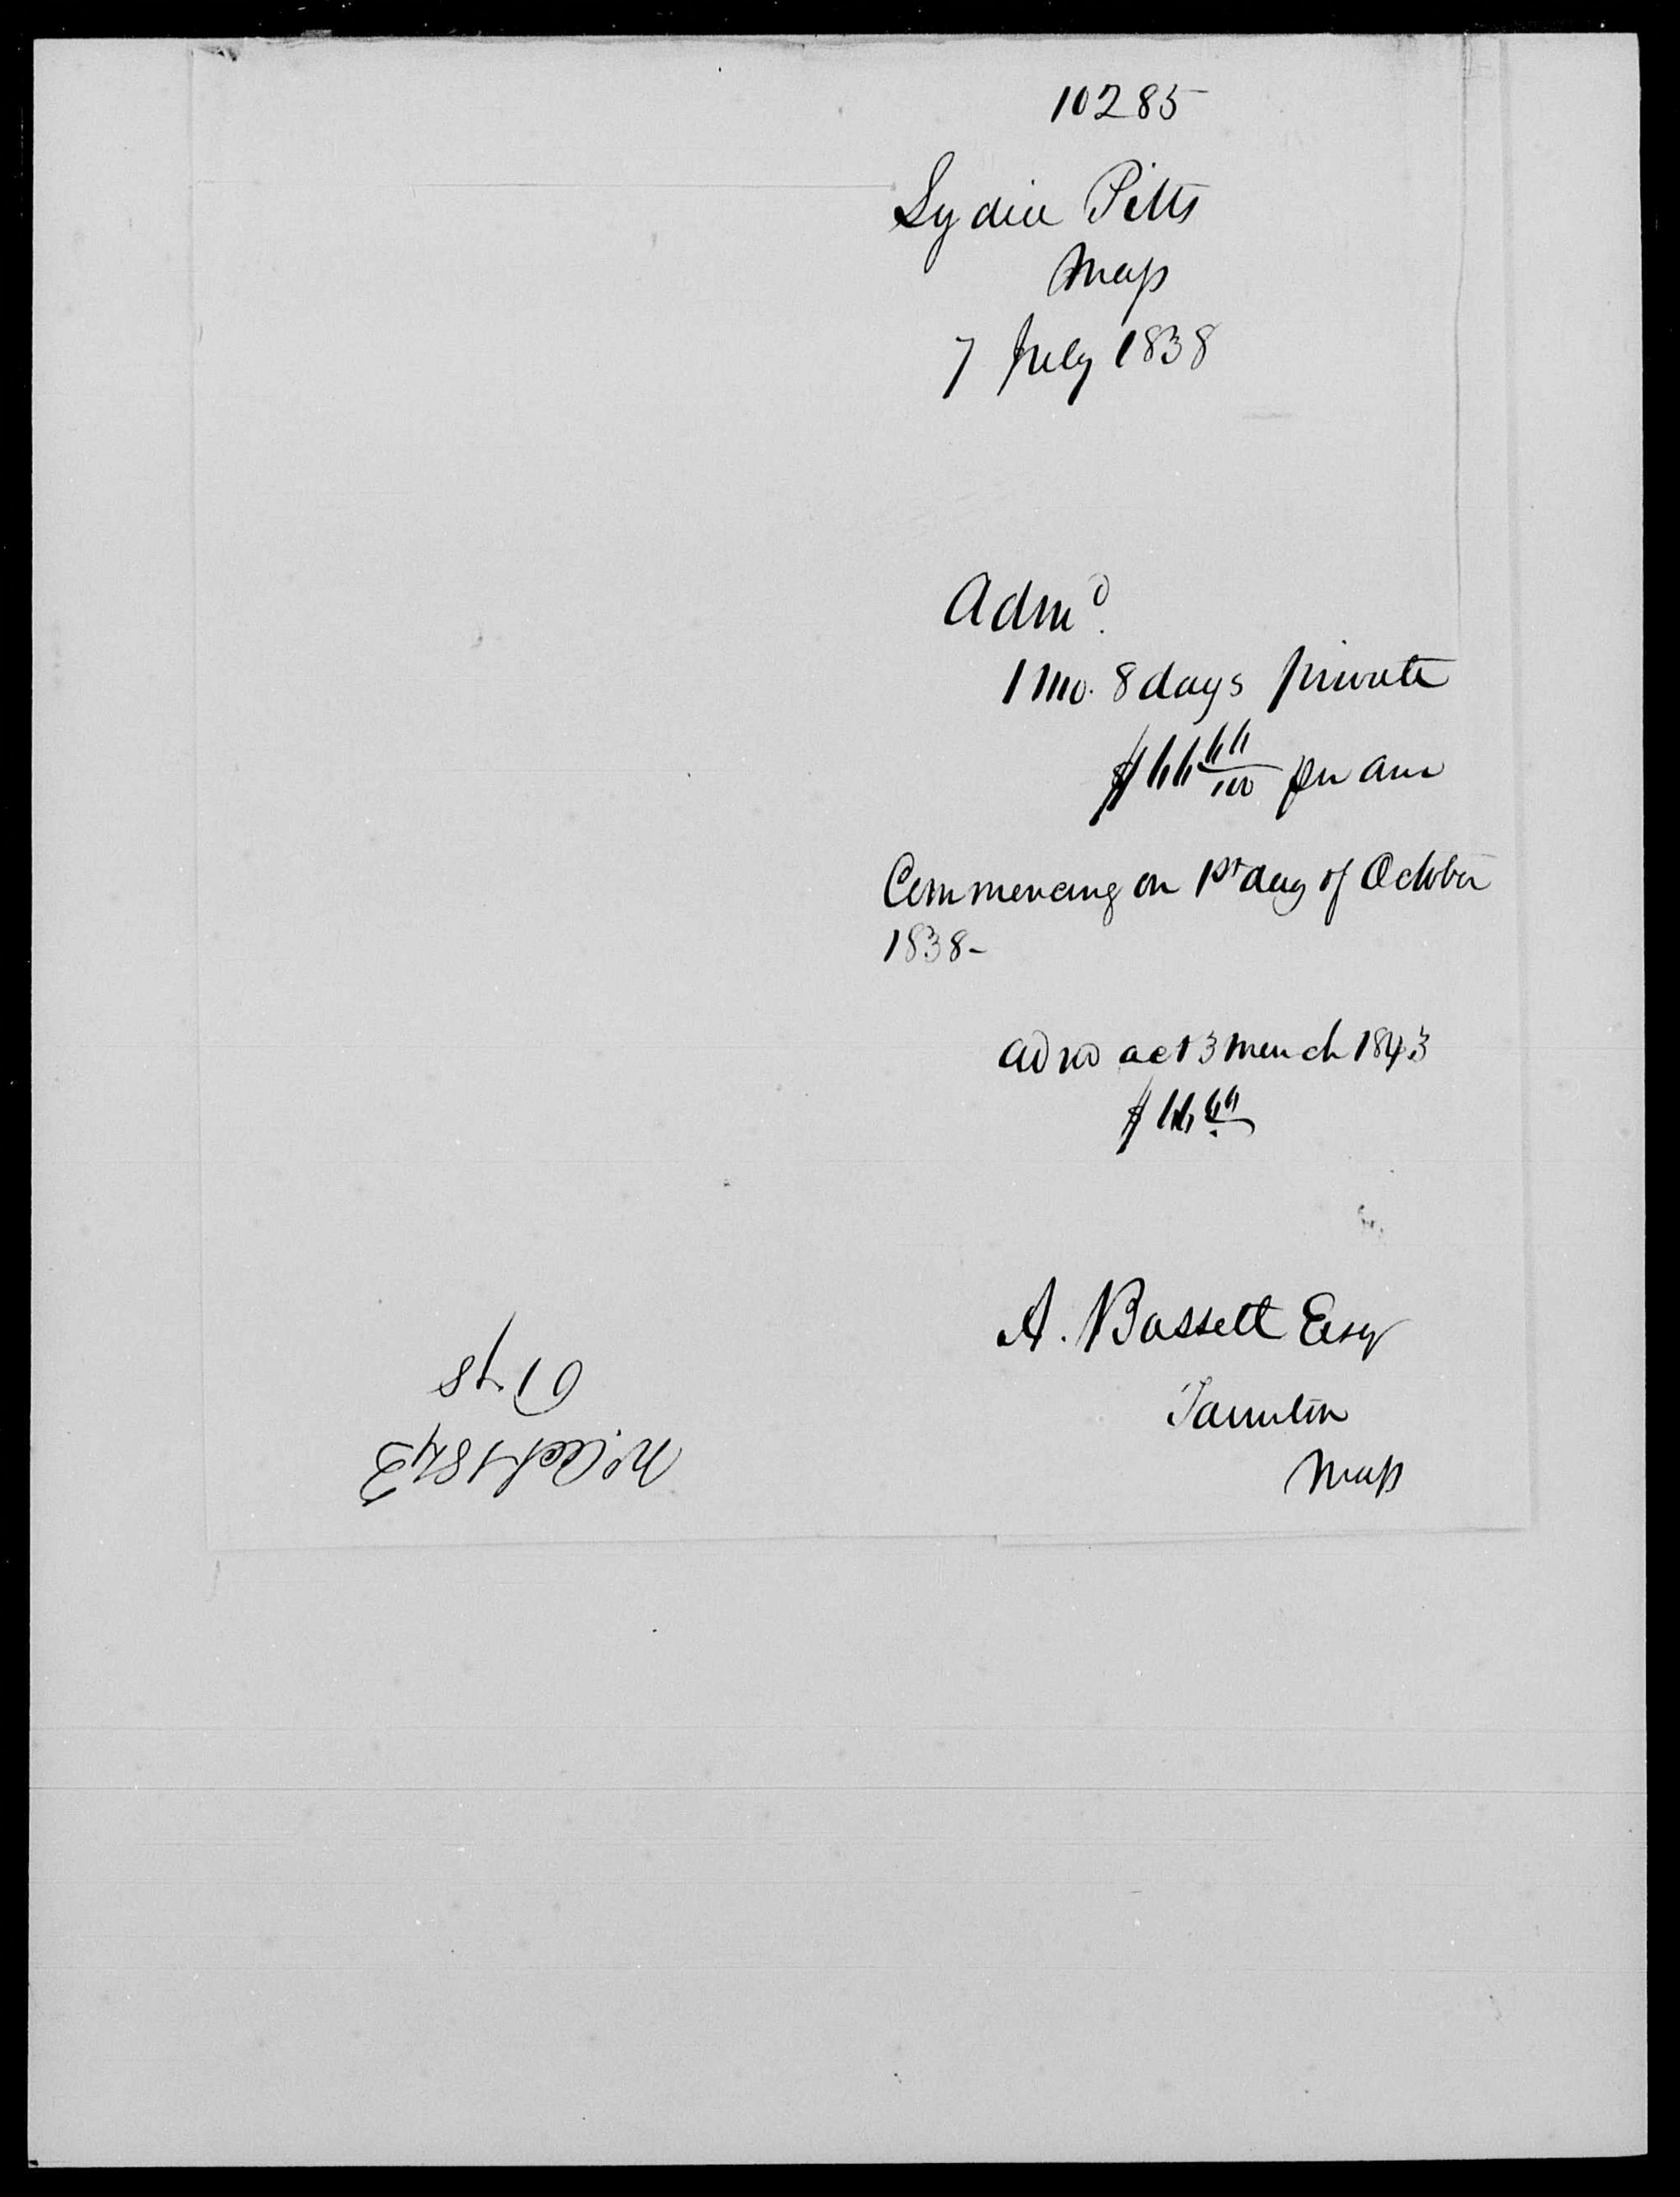10285
Lydia Pitts
Mass
7 July 1838
Adm
1mo. 8 days private
$66 per ana
Commencing on 1st day of October
1838 -
An act 3 March 1843
$66.66
A. Bassett Esq
Taunton
Mass
No. Act 1843
6178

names: Lydia Pitts; A Bassett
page: 34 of 54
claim: widow's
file: W. 26,897, for George Pitts, Massachusetts